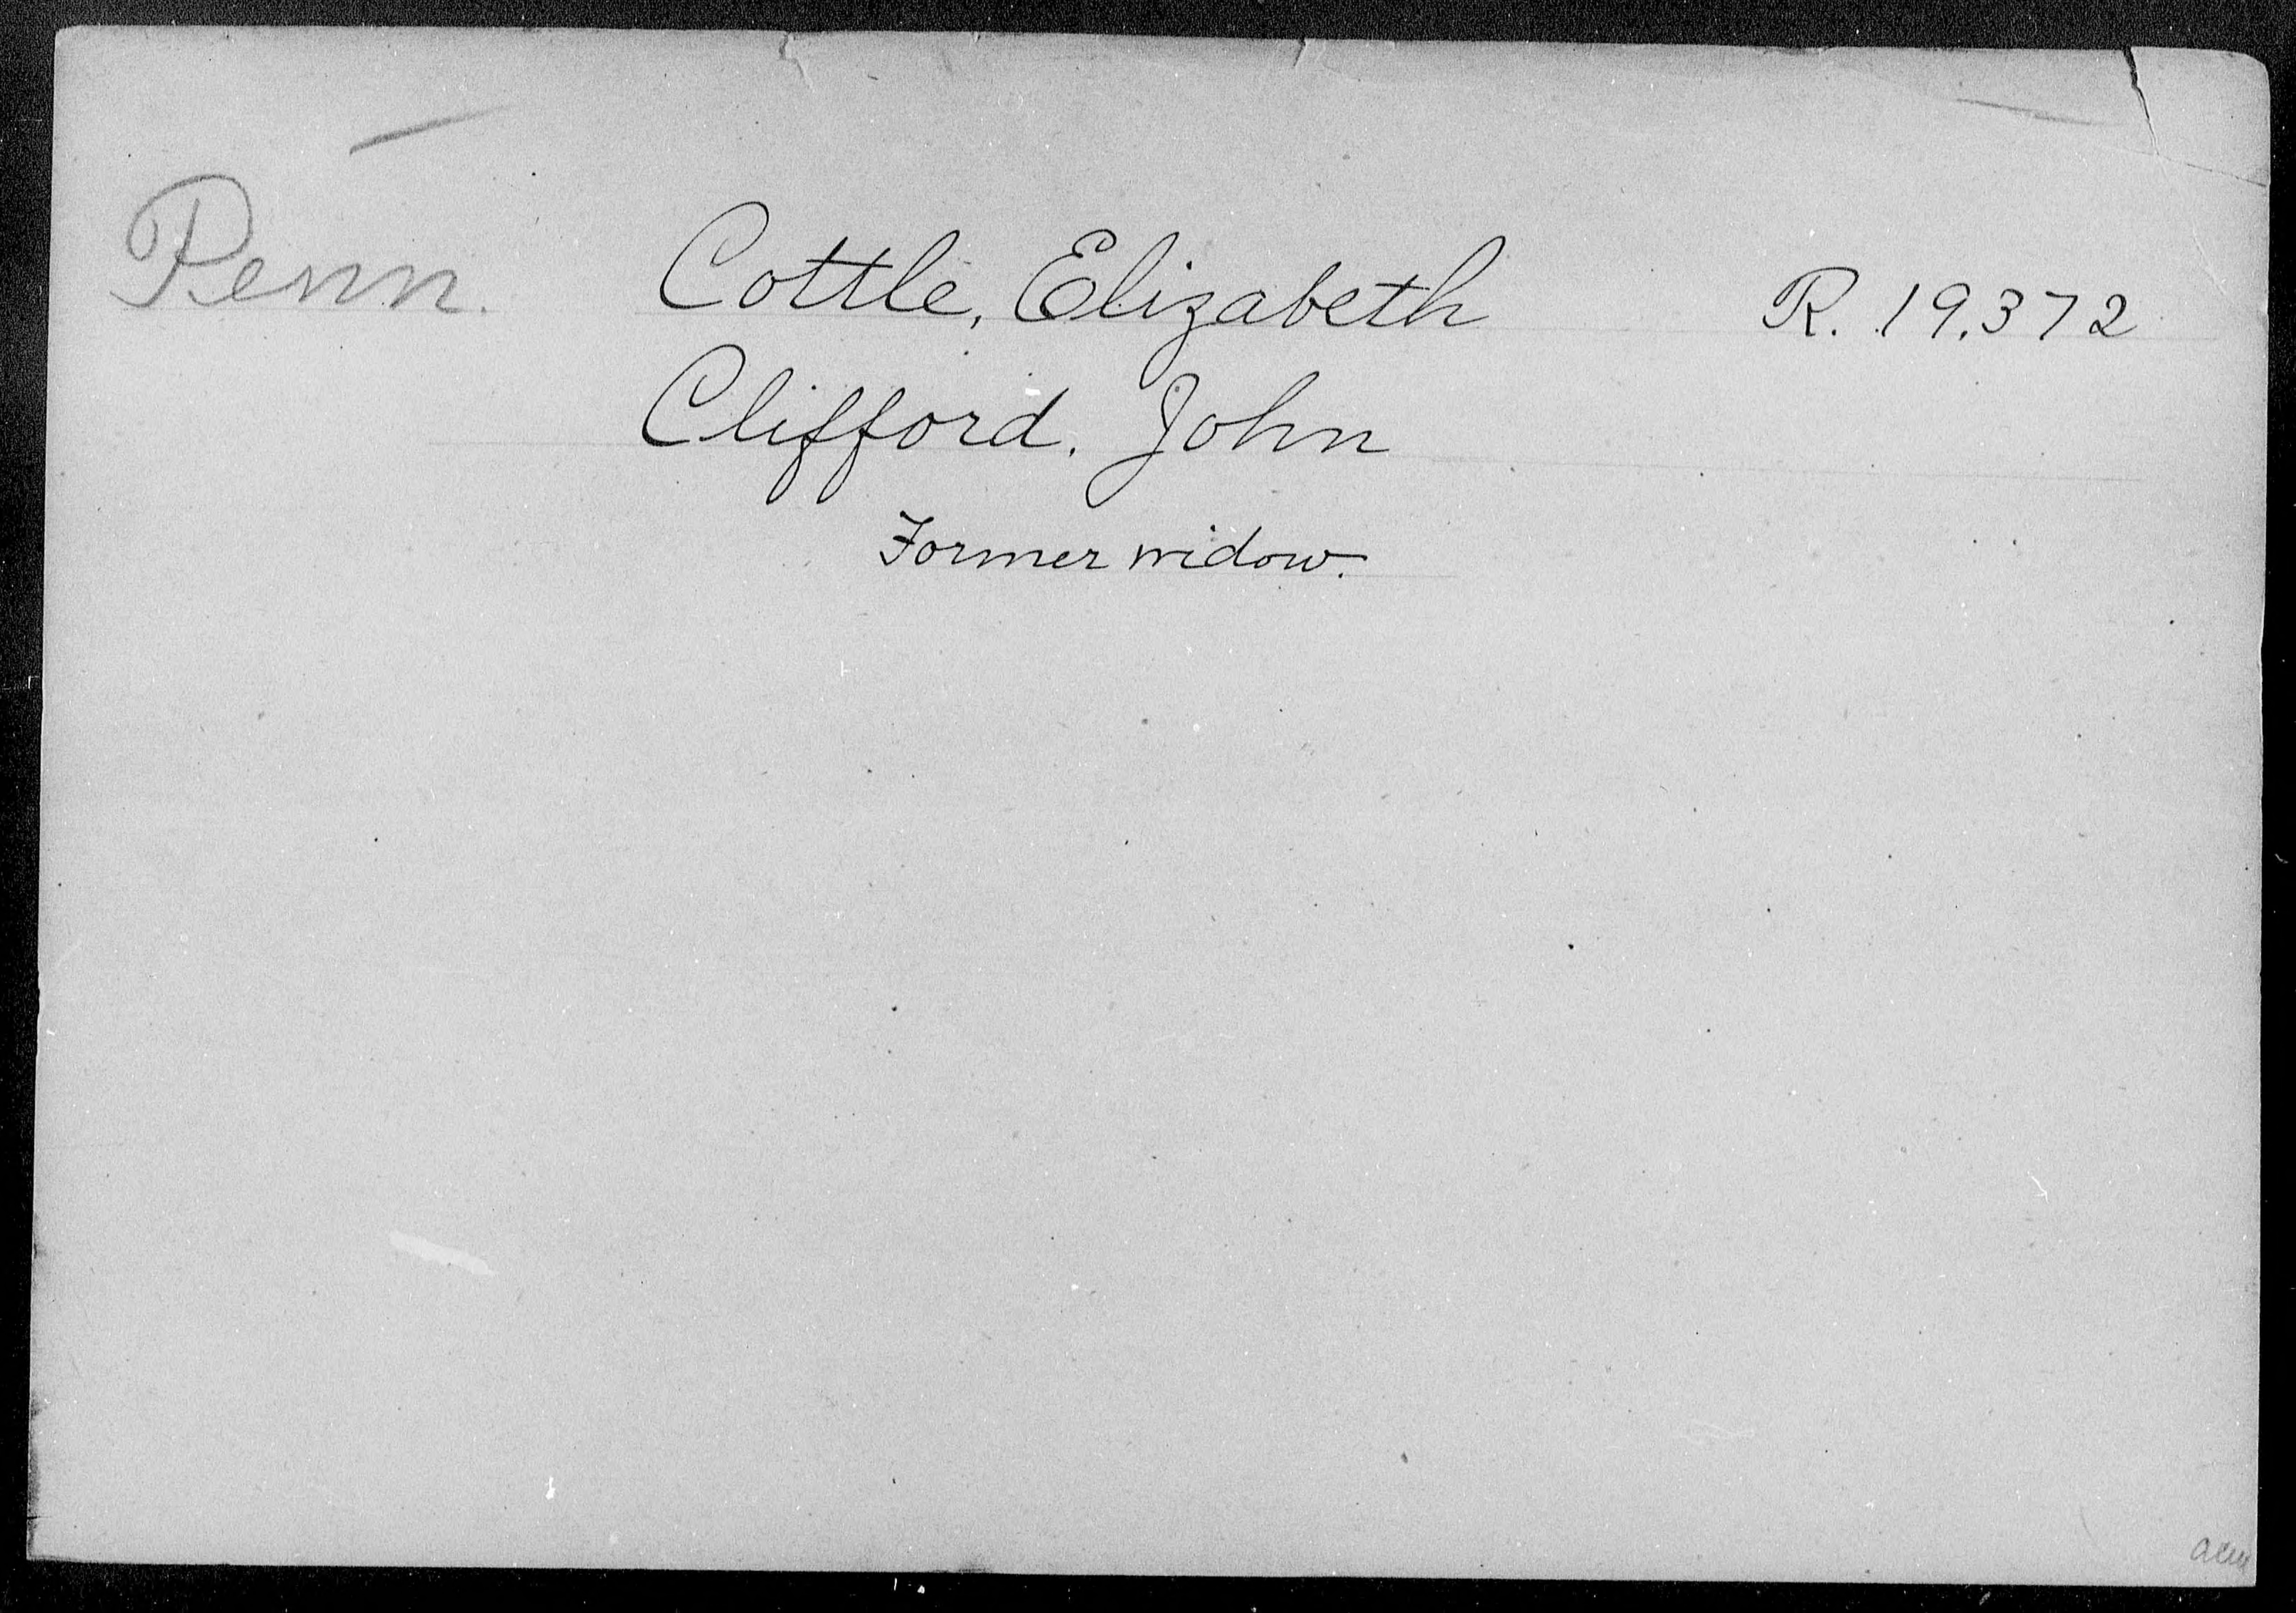Penn.    Cottle, Elizabeth   R.19.372
             Clifford, John
                          former widow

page: 1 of 1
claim: rejected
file: R. 19,372, Elizabeth Cottle, Penn.